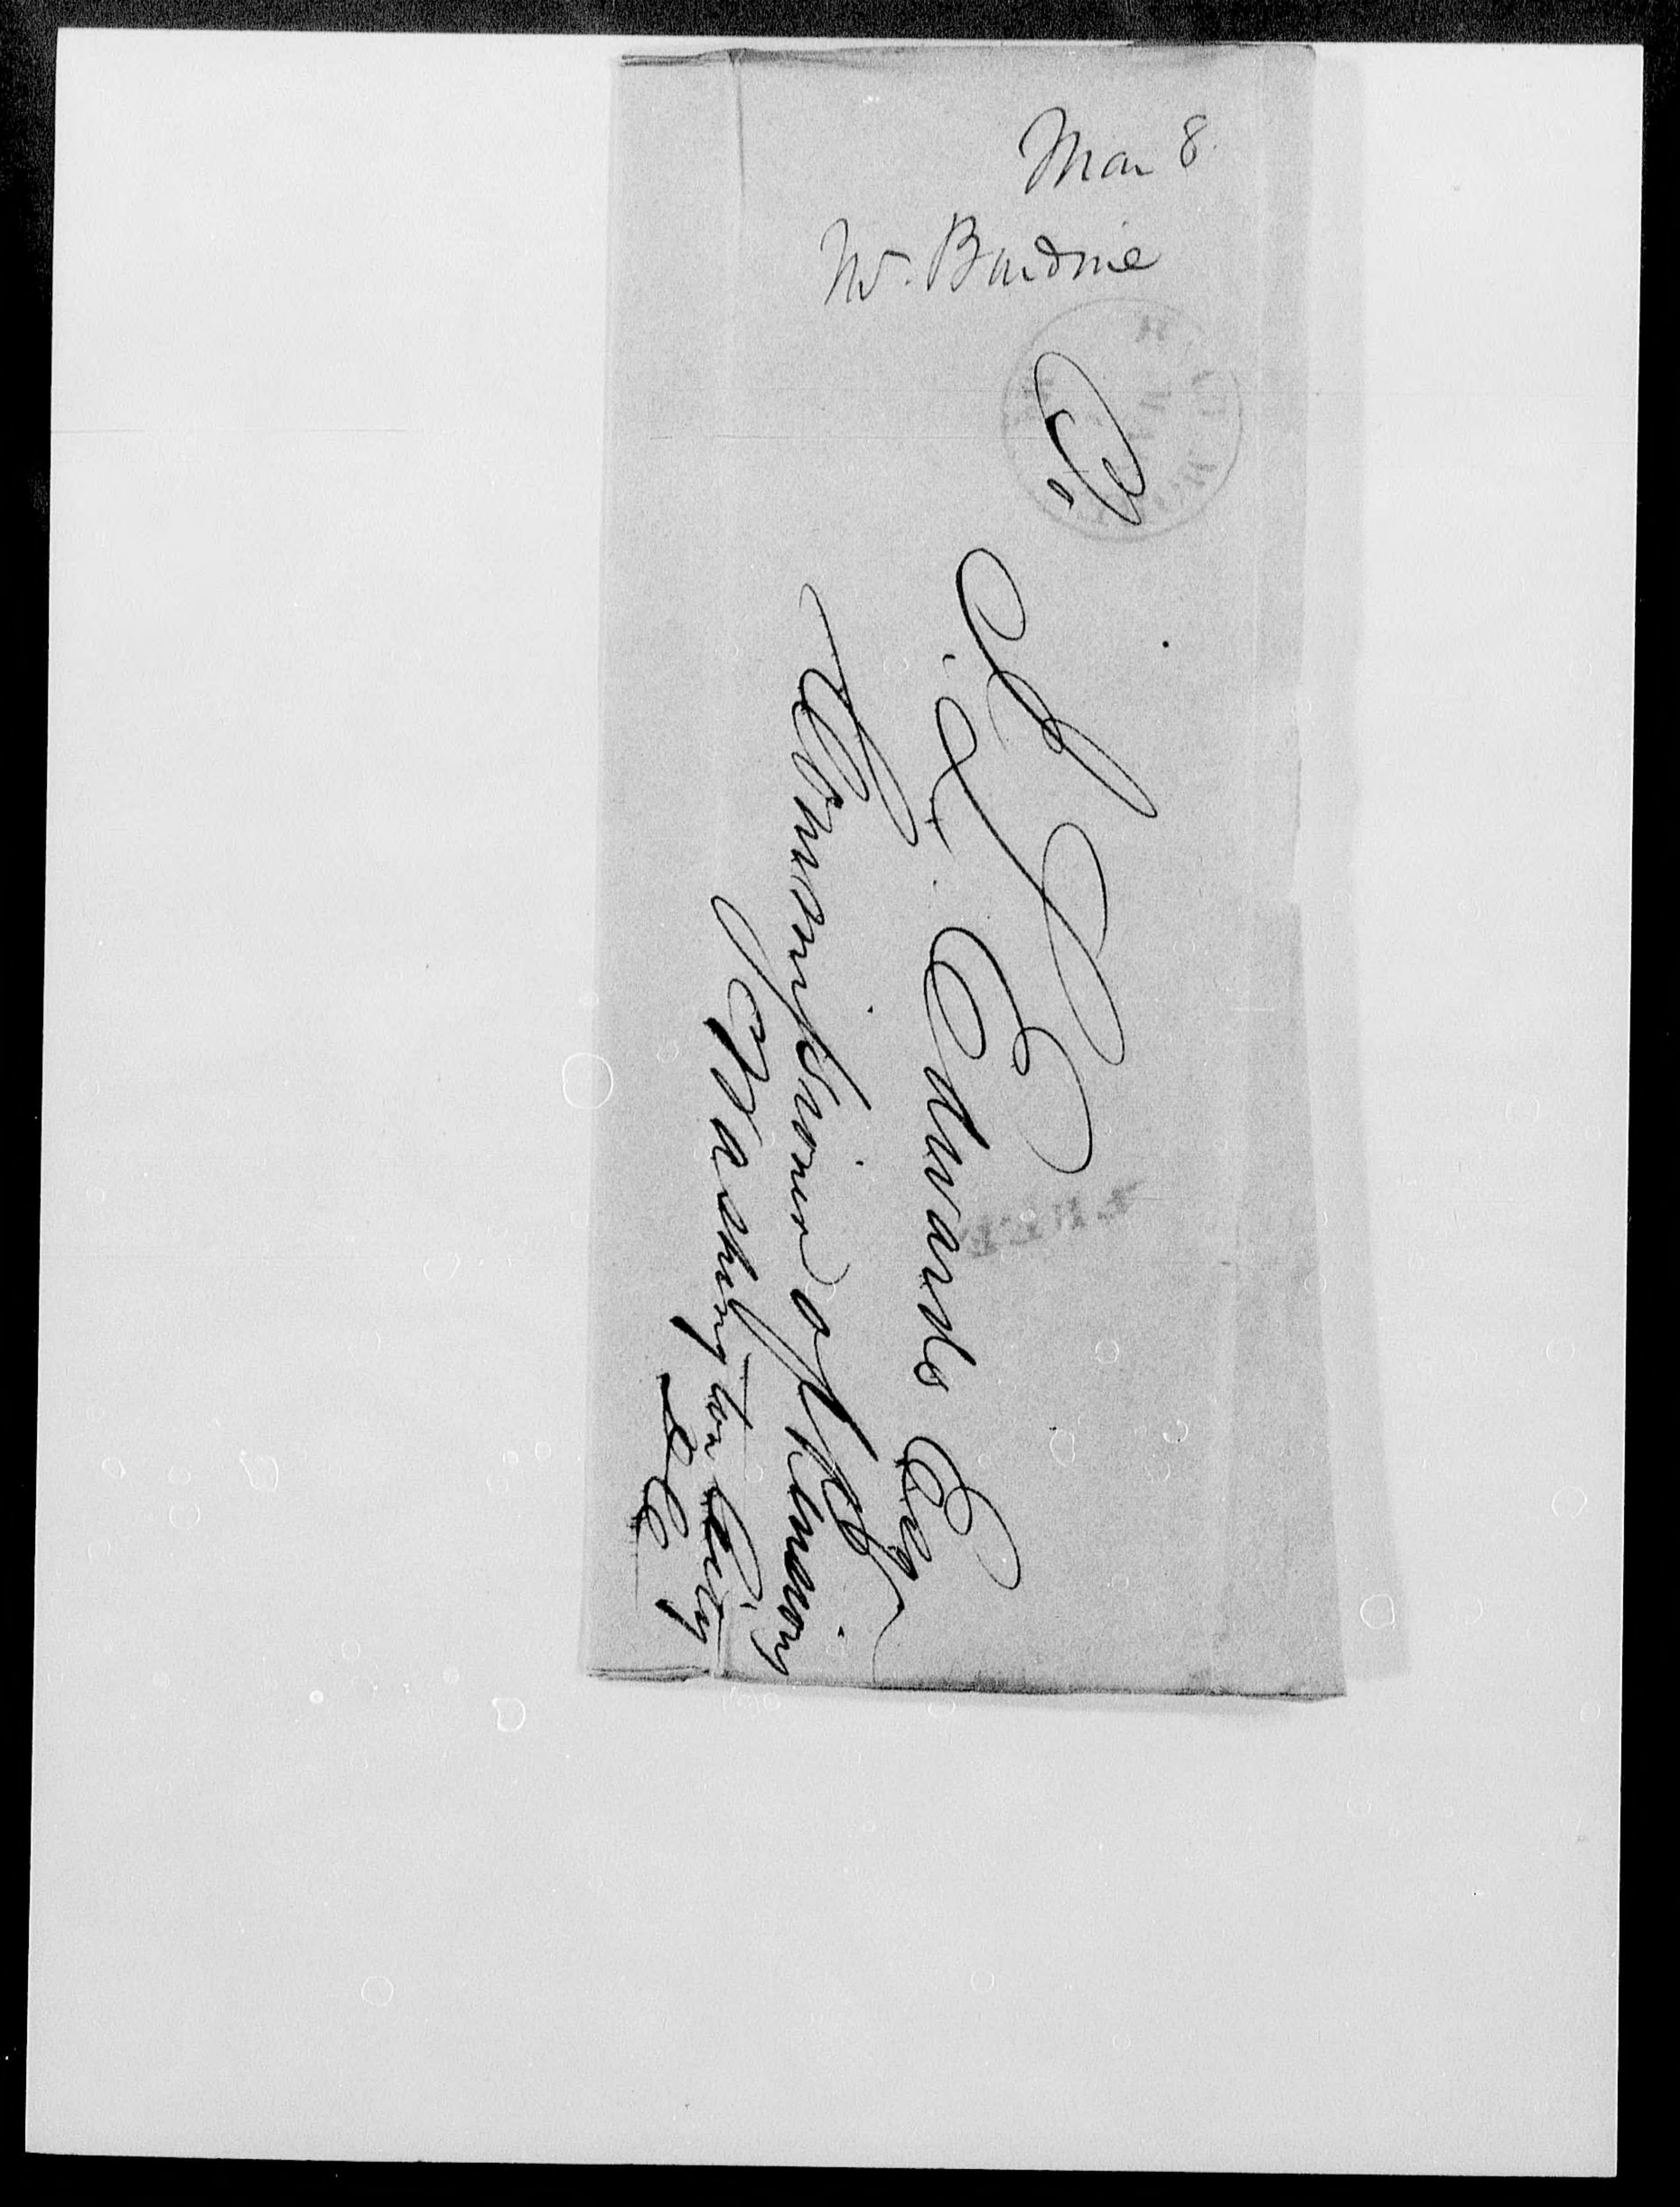Mar 8
W. Burdine
J L Edward Esq.
Commissioner of Pensions
Washington City
DC

[circular stamp: Baltimore MD Mar {unclear day}]
[second stamp: FREE]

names: J L Edwards, Burdine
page: 10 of 20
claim: survivor's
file: S. 34674, Nathan Burk, Md.